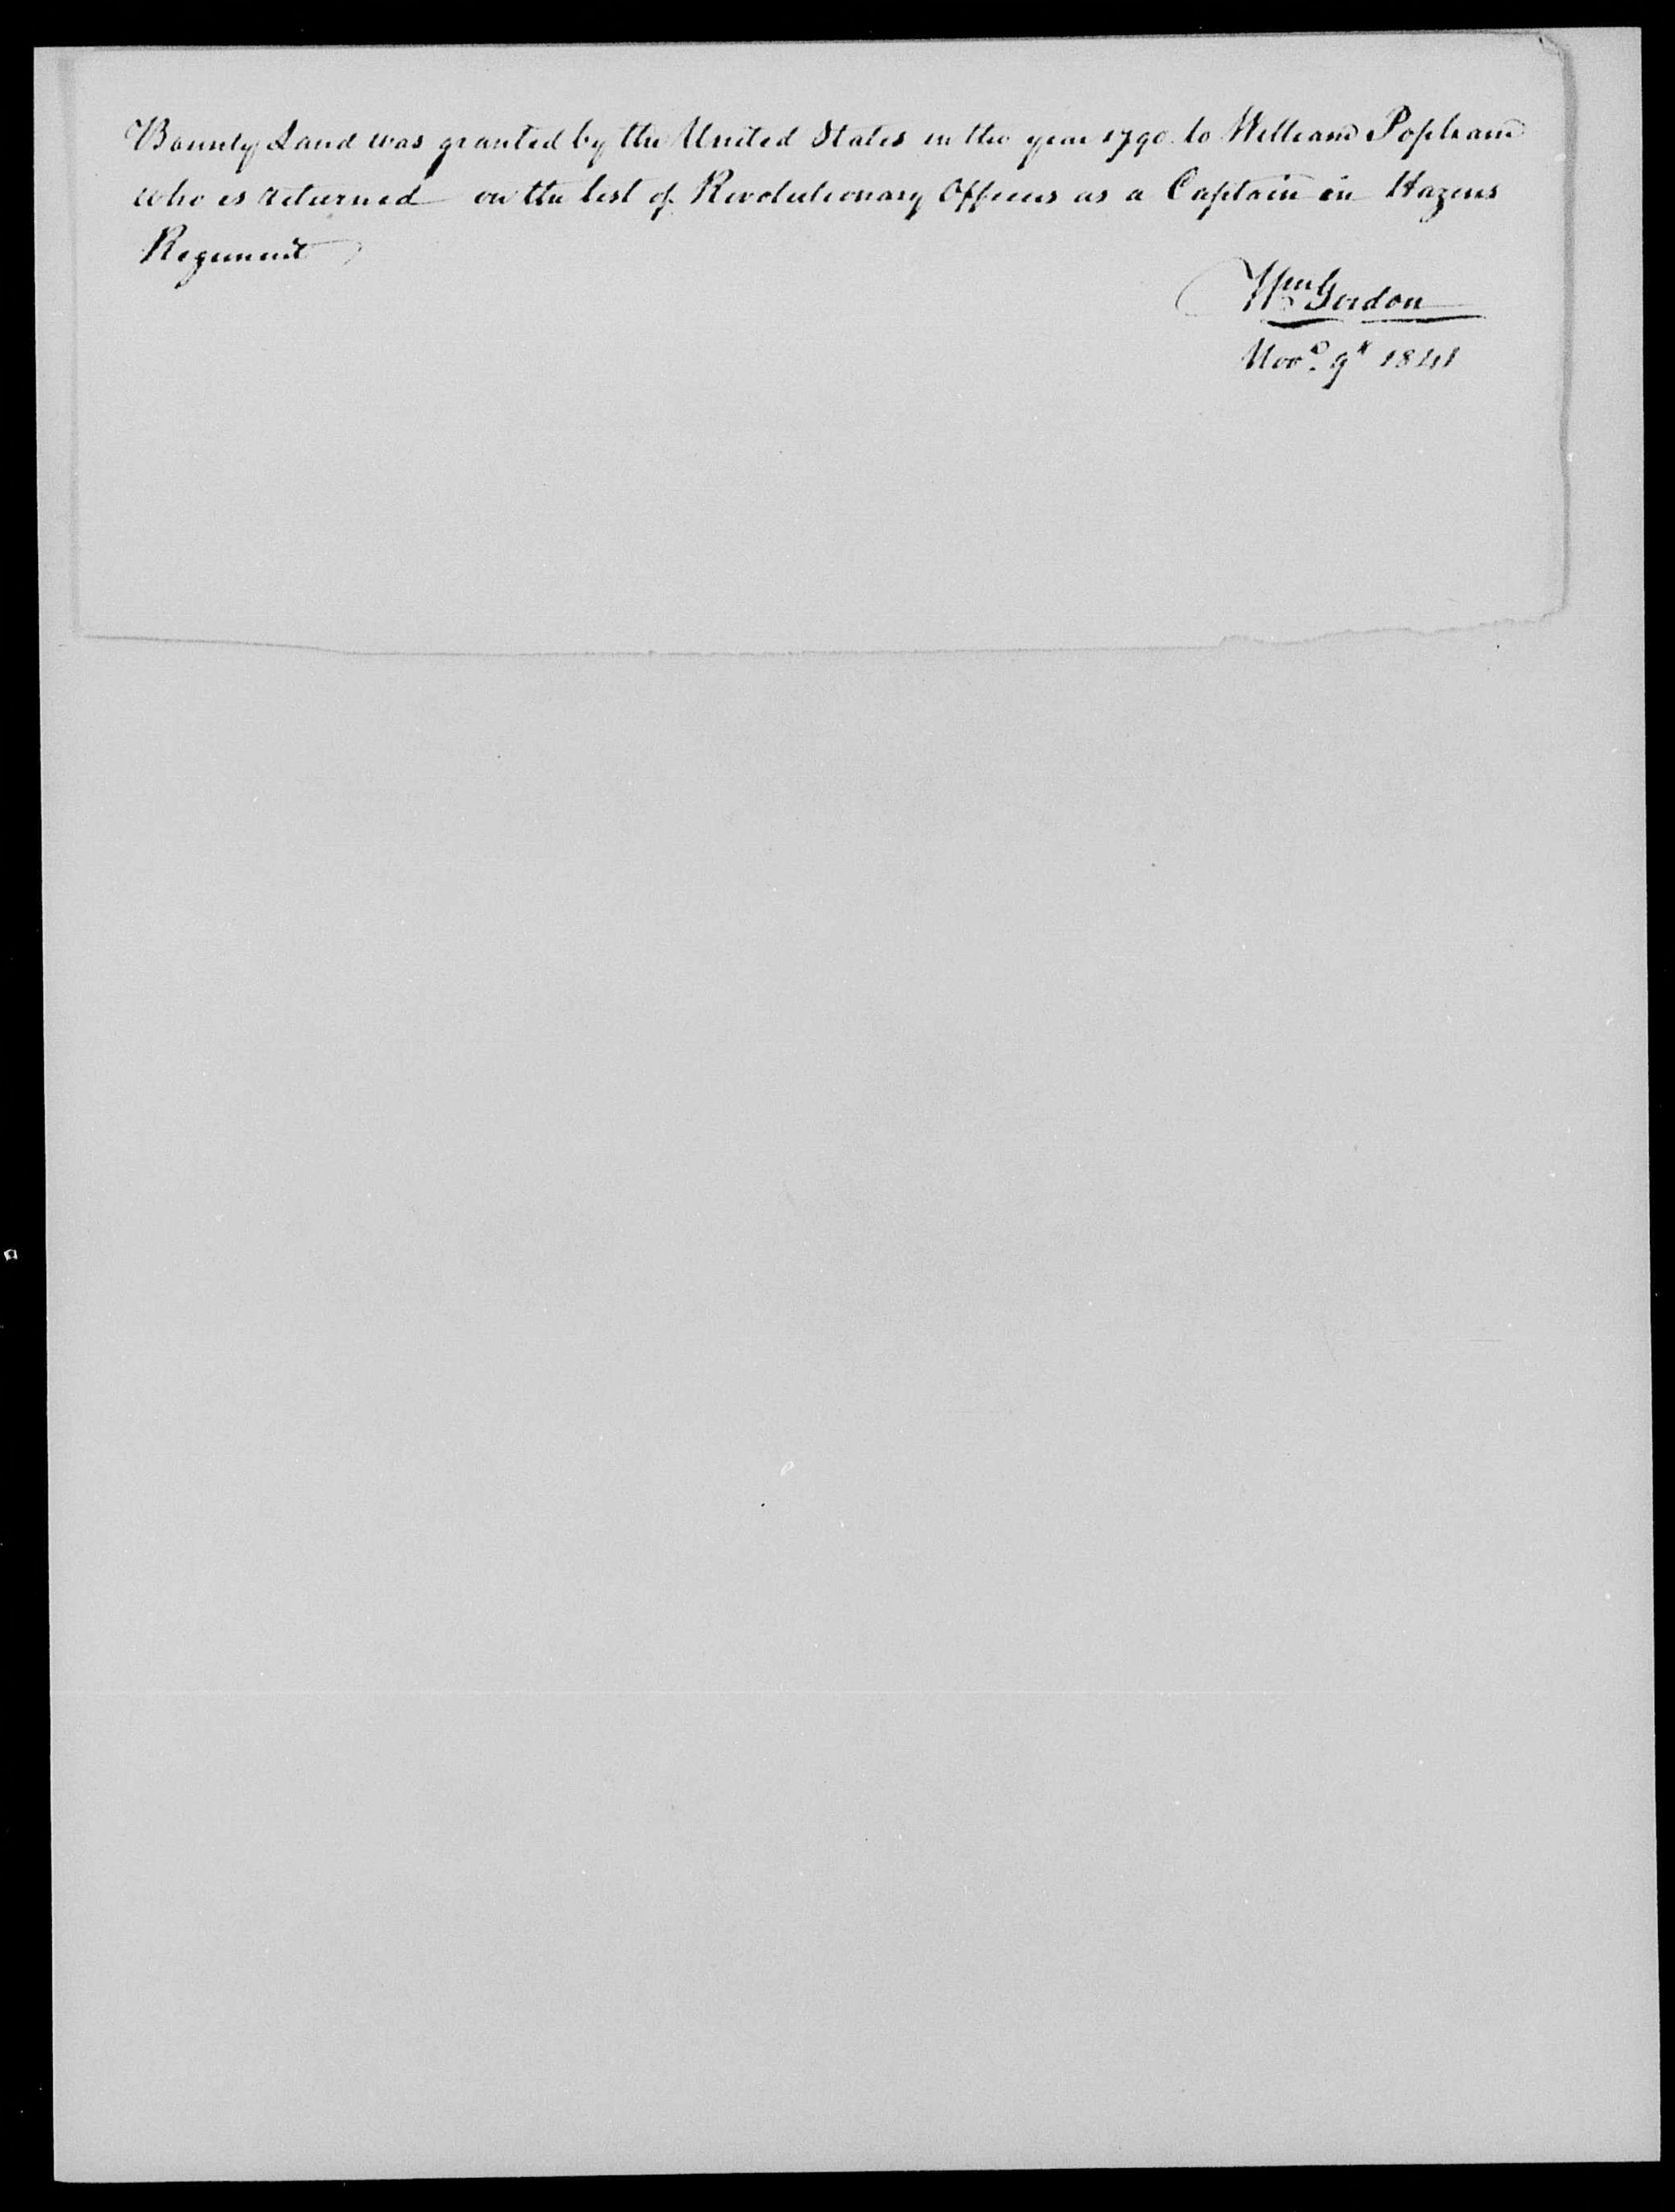Bounty Land was granted by the United States in the year 1790 to William Pophan
who is returned on the list of Revolutionary Officers as a Captain in Hazens Regiment
Wm Gordon
---
Regiment
Nov. 9th 1841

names: Wm Gordon; William Popham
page: 6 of 75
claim: survivor's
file: S. 9989, for William Popham, Delaware